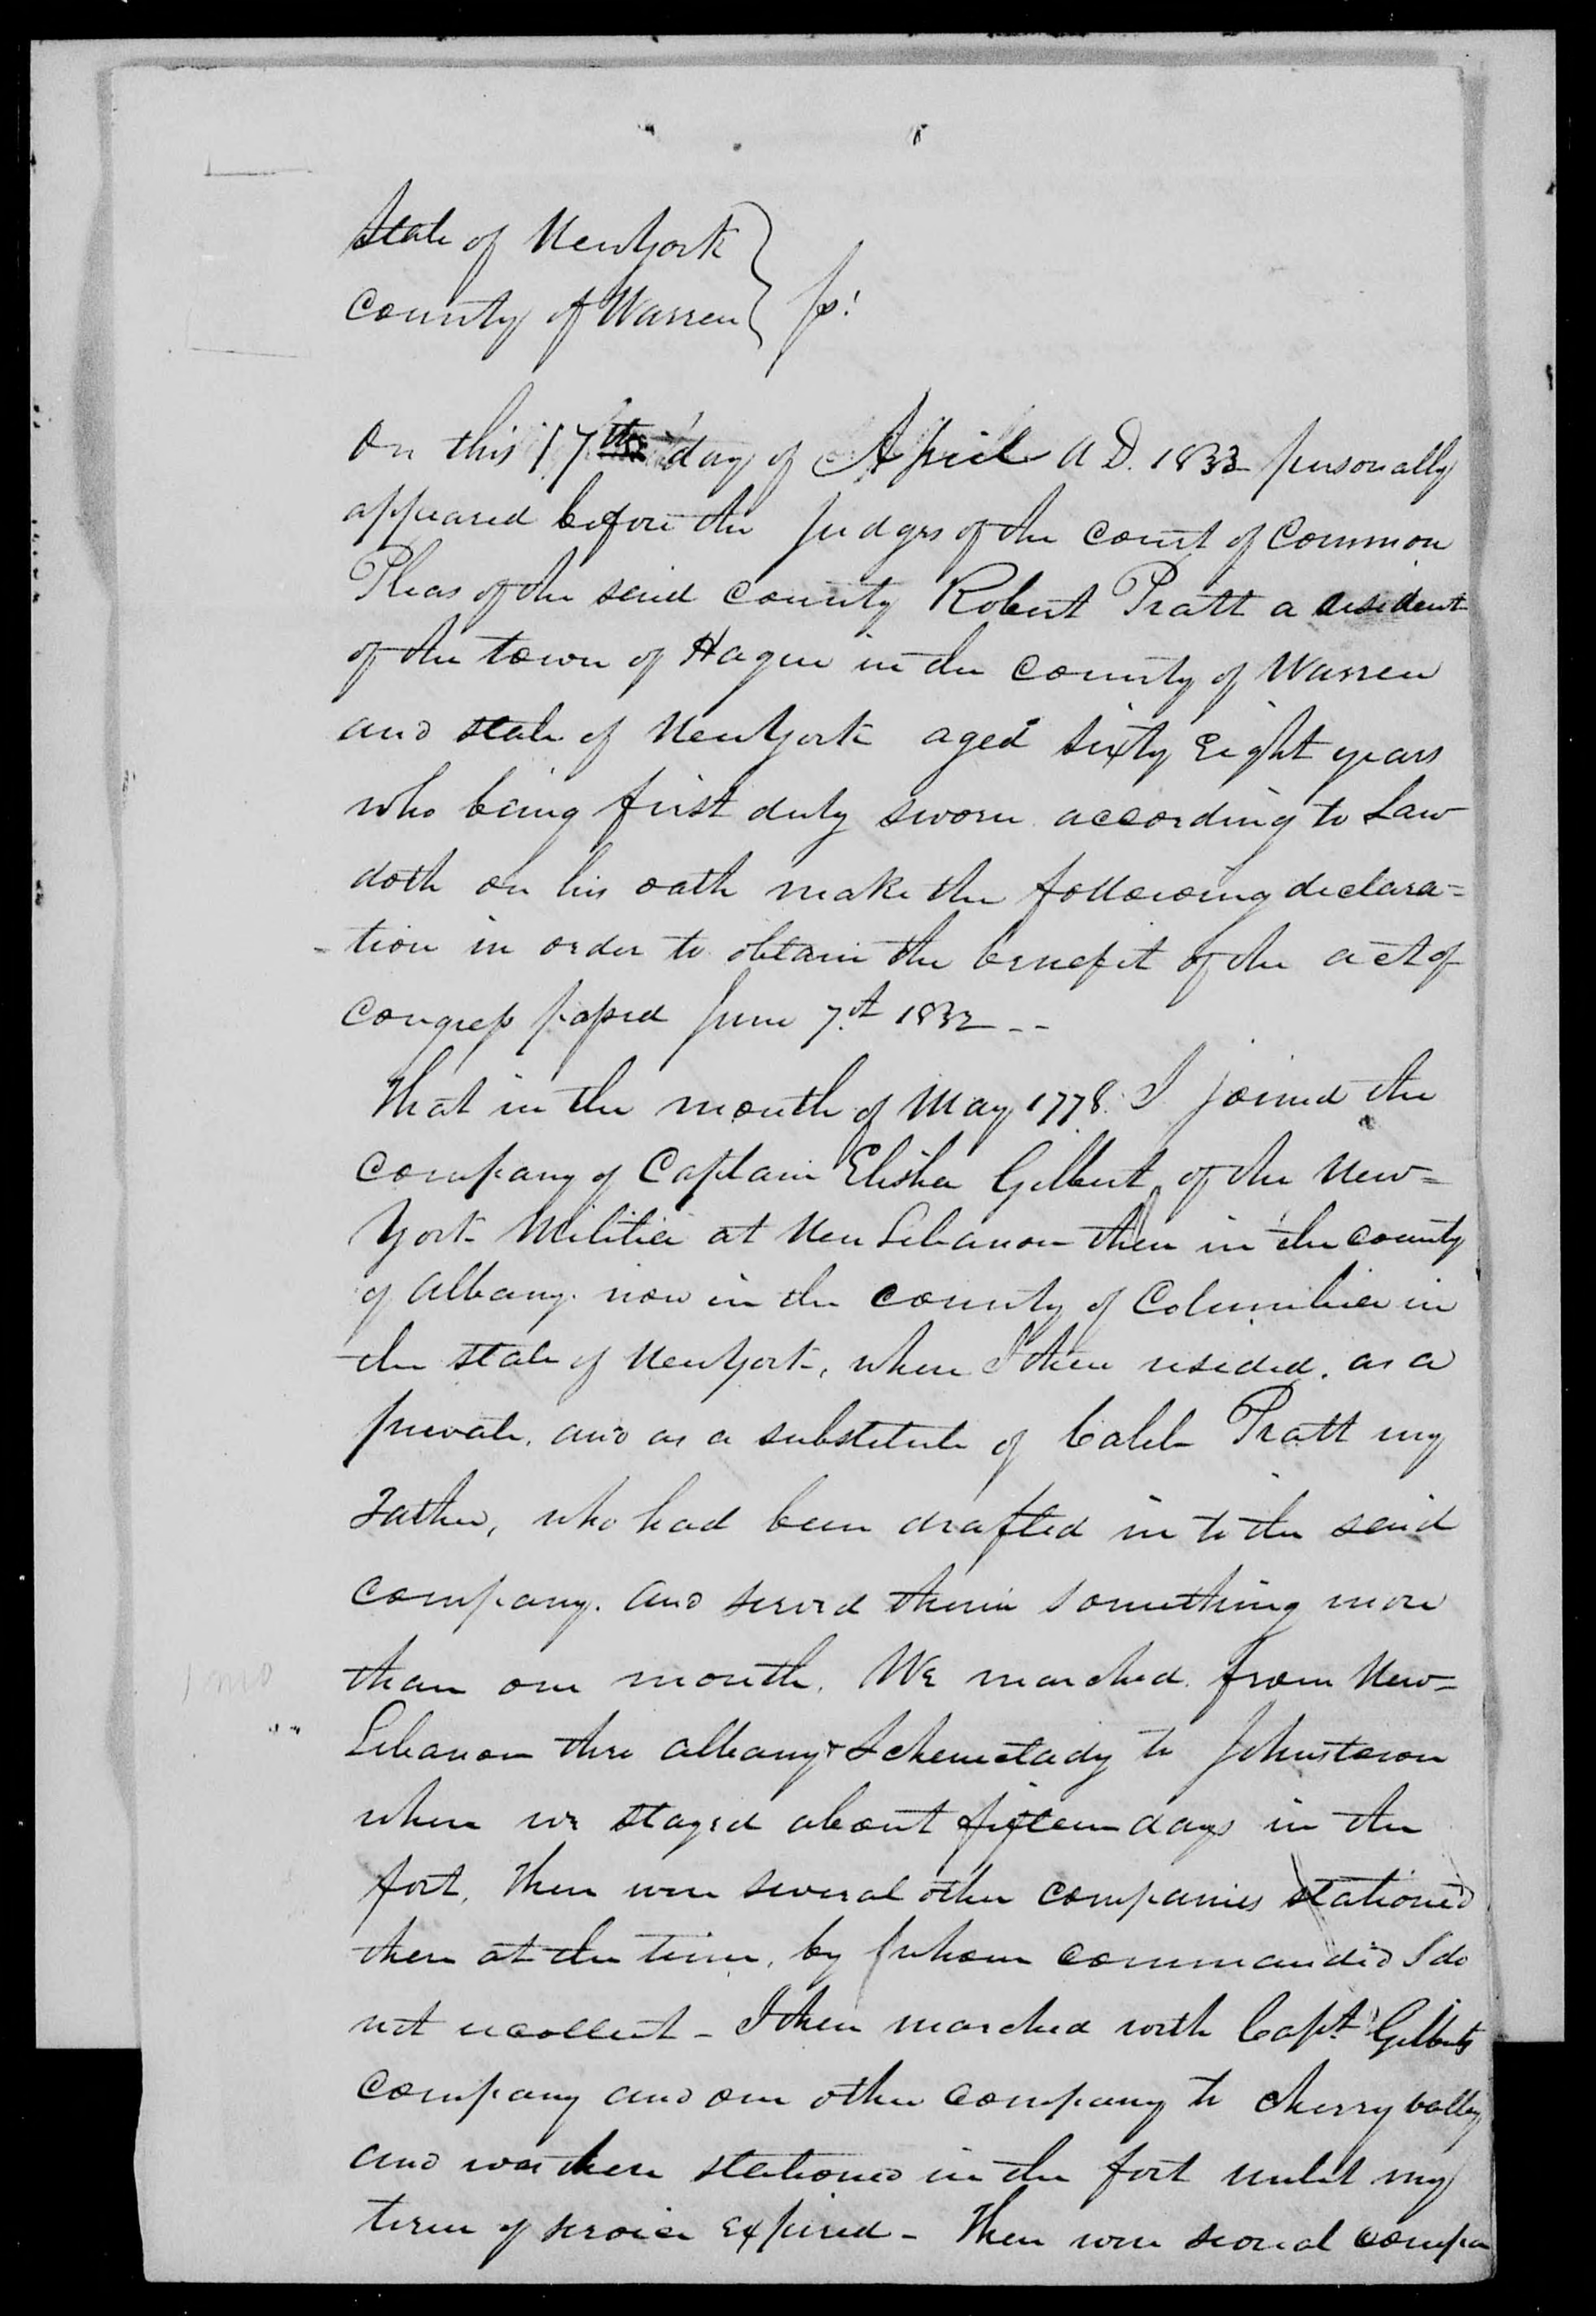State of New York
County of Warren ⎬ss:
On this 17th day of April A.D. 1832 personally
appeared before the Judges of the Court of Common Pleas of the said County Robert Pratt a resident of the town of Hague in the County of Warren and State of New York aged sixty Eight years who being first duly sworn according to Law doth on his oath make the following declaration in order to obtain the benefit of the act of Congress passed June 7th 1832. -
That in the month of May 1778 I joined the
company of Captain Elisha Gilbert of the New York Militia at New Lebanon then in the County
of Albany now in the County of Columbia in
the State of New York, where I then resided, as a private, and as a substitute of Caleb Pratt, my
Father, who had been drafted in to the said
company, and served therein something more than one month. We marched from New
Lebanon thru Albany & Schenectady to Johnstown where we stayed about fifteen days in the fort.  There were several other companies stationed there at the time, by whom commanded I do not recollect.  I then marched with Capt Gilbert's Company and one other company to Cherry Valley and was then stationed in the fort until my term of service expired.  There were several companies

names: Elisha Gilbert; Caleb Pratt; Robert Pratt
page: 3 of 23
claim: survivor's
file: S. 14,229, for Robert Pratt, New York